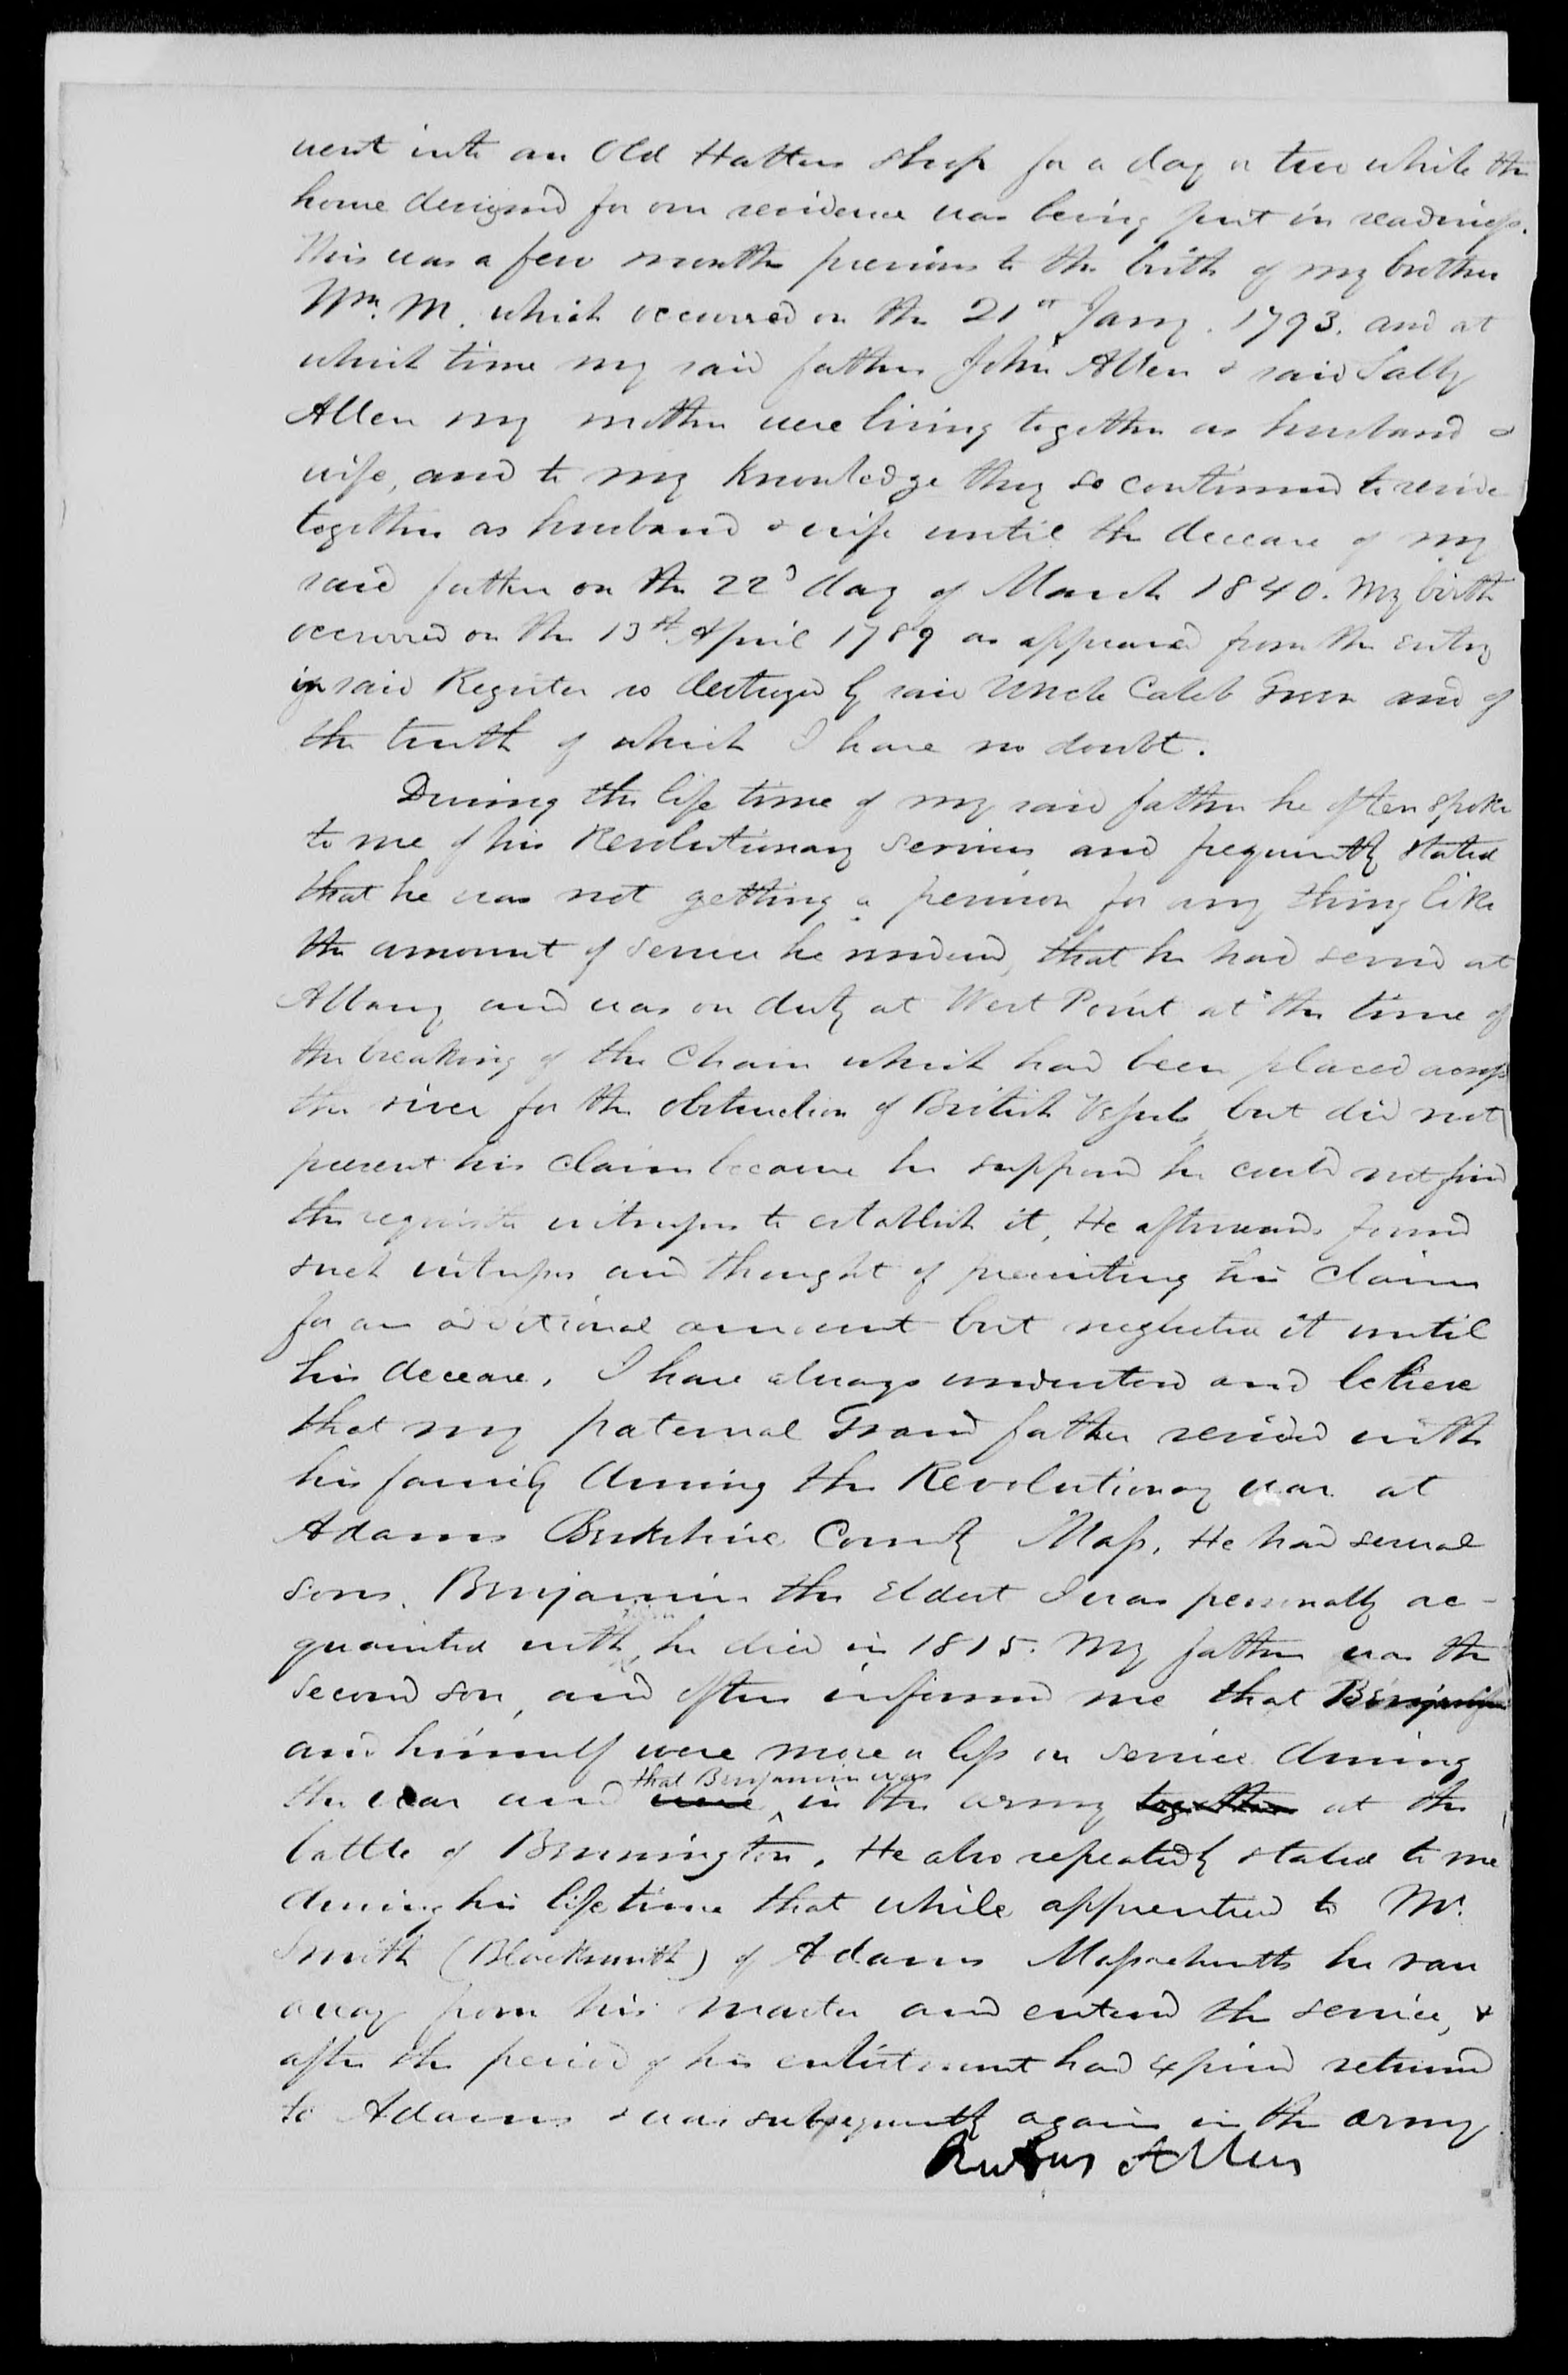went into an old Hatters ship for a day or two while the home designed for our residence was being put in readiness This was a few month previous to the birth of my brother Wm M. which occurred on the 21st Jany. 1793, and at which time my said father John Allen & said Sally Allen my mother were living together as husband wife, and to my knowledge they so continued to reside together as husband & wife until the decease of my said father on the 22d day of March 1840. My birth occurred on the 13th April 1789 as appeared from the entry in said Register is destroyed by said Uncle Caleb Green and of the truth of which I have no doubt.
 During the life time of my said father he often spoke to me of his Revolutionary services and frequently stated that he was not getting a pension for any thing like the amount of service he rendered, that he had served at Albany and was on duty at West Point at the time of the breaking of the chain which had been placed across the river for the obstruction of British vessels, but did not present his claim because he supposed he could not find the requireth witnesses to establish it. He afterwards found such witnesses and thought of presenting his claim for an additional amount but neglected it until his decease. I have always understood and believe that my paternal grand father resided with his family during the Revolutionary war at Adams Berkshire County Mass. He had several sons, Benjamin the Eldest I was personally acquainted with he died in 1815. My father was the second son, and after informed me that Benjamin and himself were more or less in service during the war and ^that Benjamin was in the army at the battle of Bennington. He also repeatedly stated to me during his lifetime that while apprentice to Mr Smith (Blacksmith) of Adams Massachusetts he ran away from his master and entered the service & after the period of his enlistment had expired returned to Adams & was subsequent again in the army. 
Rufus Allen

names: Benjamin, Rufus Allen, Benjamin, Wm M, Benjamin, Caleb Green, Smith (Blacksmith), Sally Allen, John Allen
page: 24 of 74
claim: widow's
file: W. 23424, John Allen, Mass. R. I.